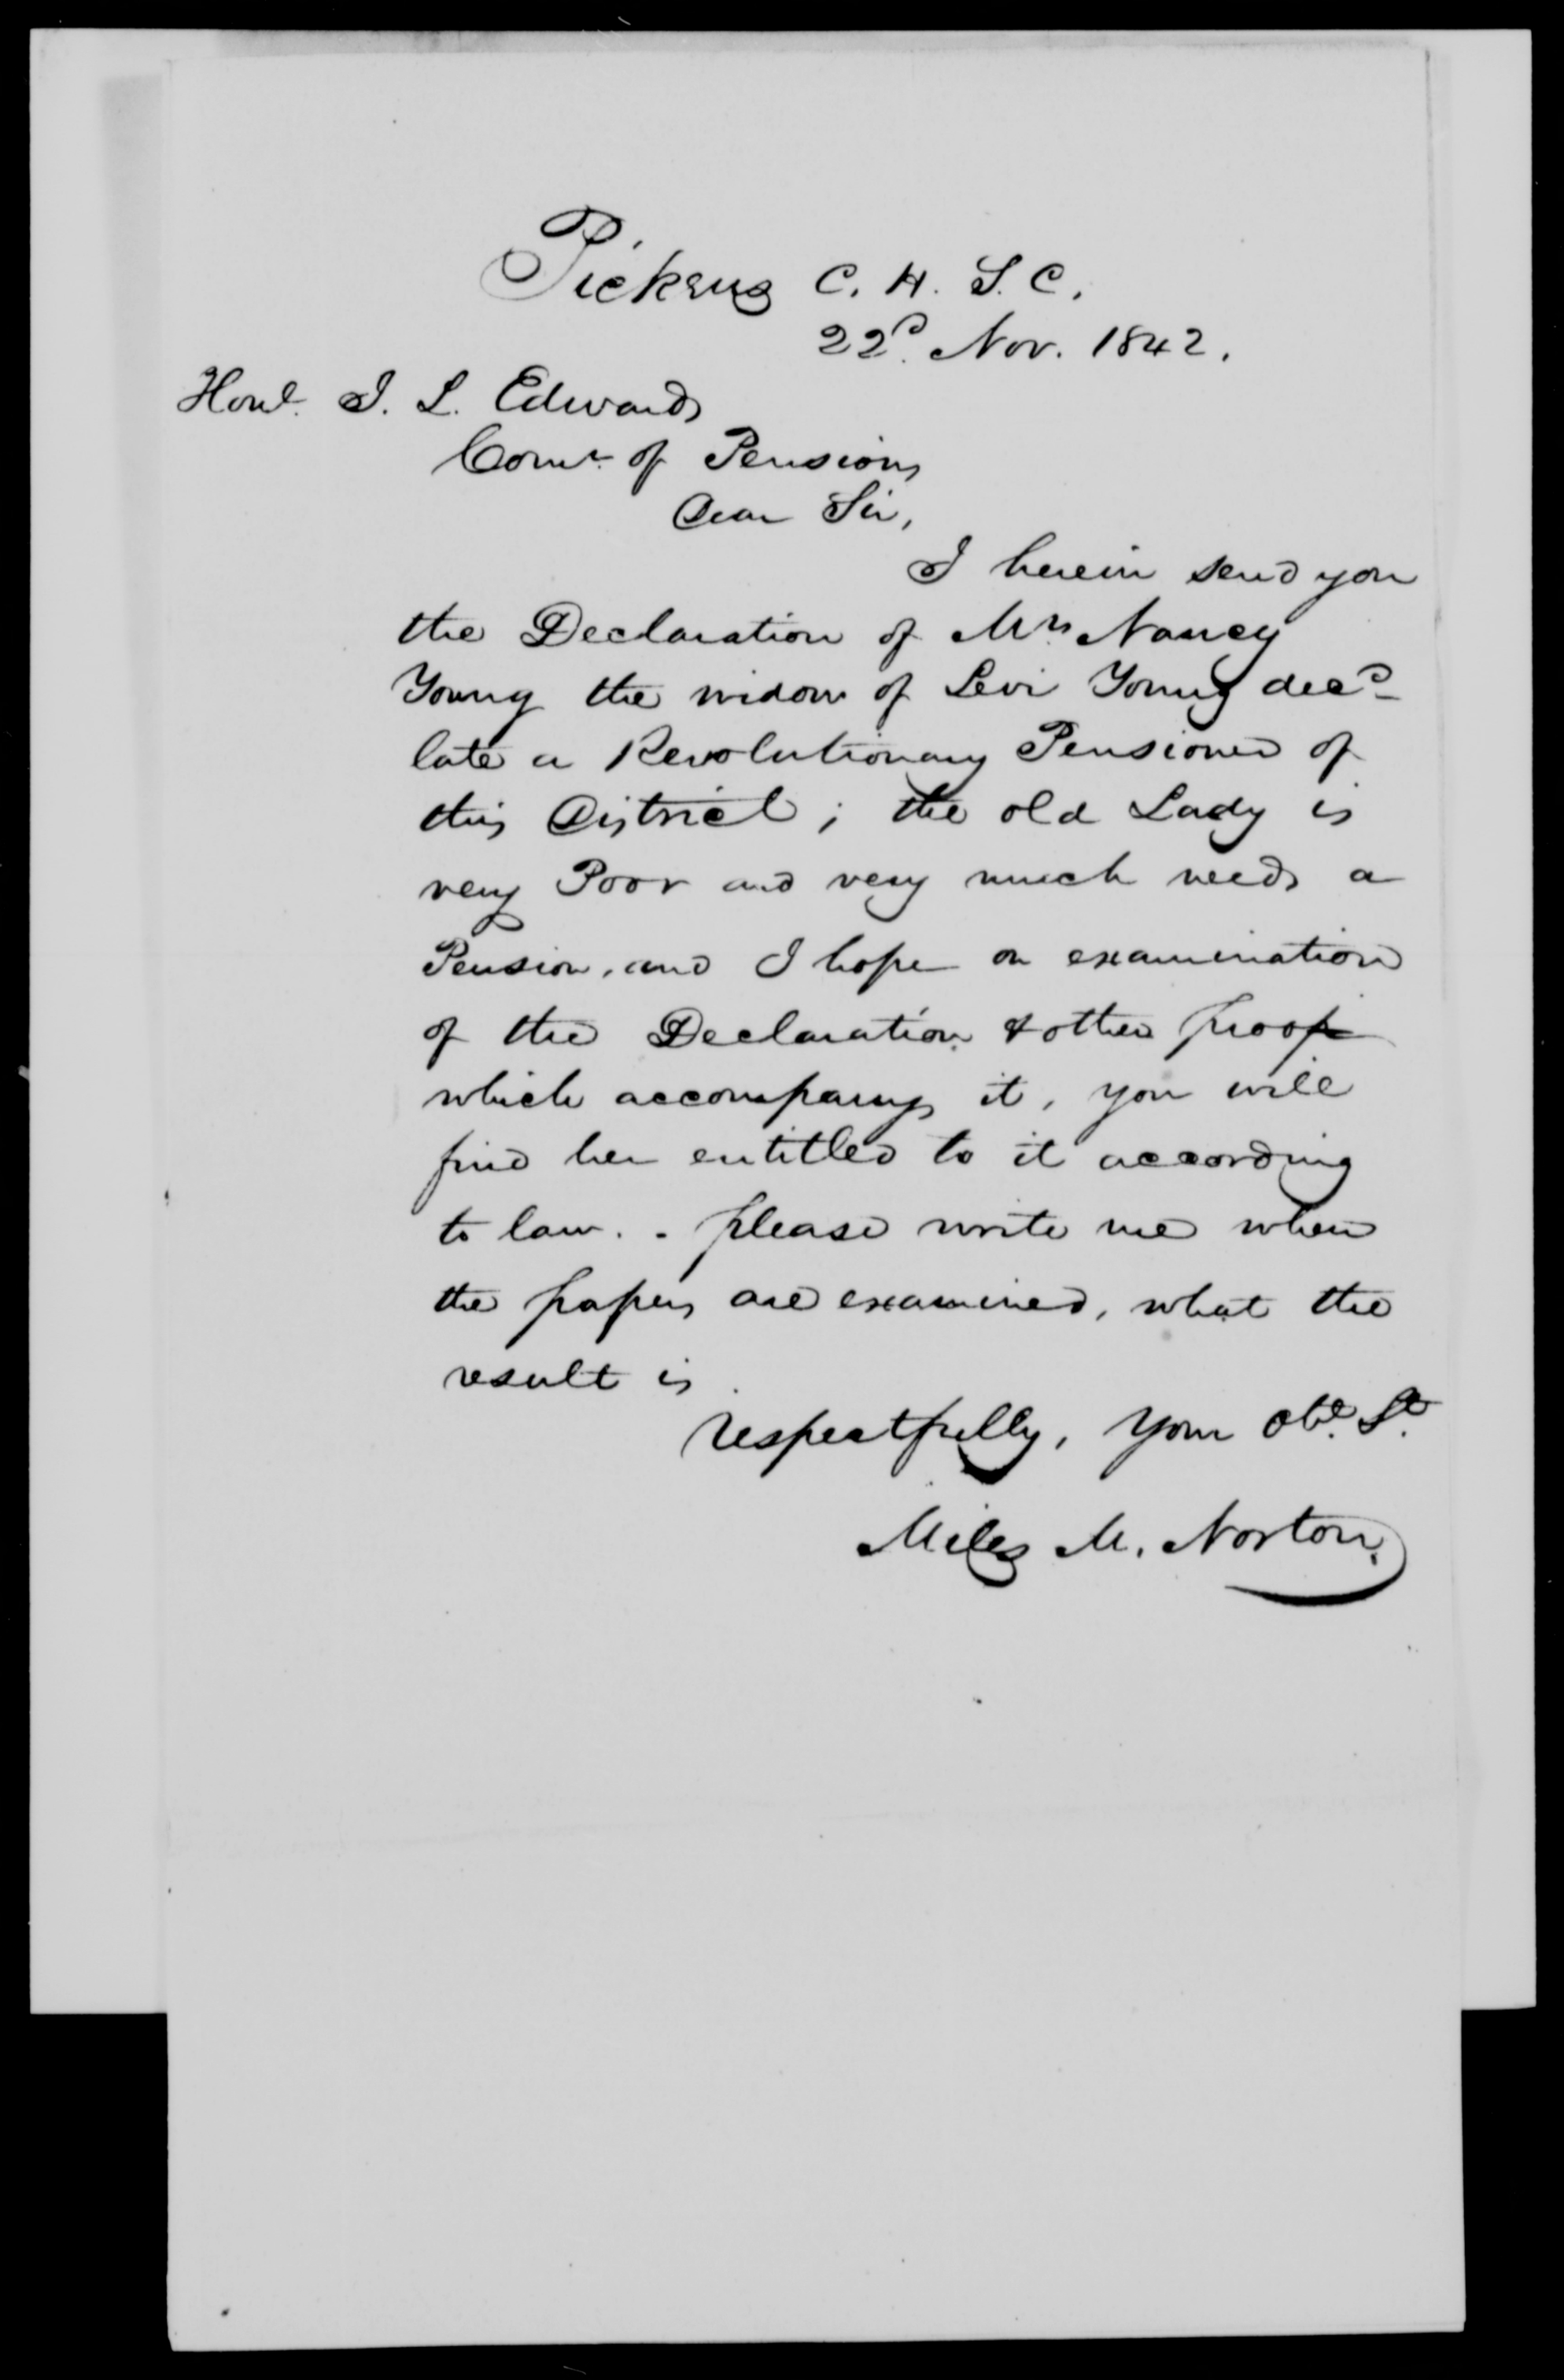Pickens C.H.S.C. [Court House South Carolina]
22d Nov. 1842.

Honl [Honorable] J. [James[ L. Edwars
Com. [Commissioner of Pensions

Dear Sir,
     I herein send you
the Declaration of Mrs. Nancy
Young the widow of Levi Young decd (sic deceased)
late a Revolutionary Pensioner of
this District; the old Lady is
very Poor and very much needs a
ension, and I hope on examination
of the Declaration + other proof
which accompany it,  you will
find her entitled to it according
to law.  Please write me when 
the papers are examined, what the result is.
Respectfully, your obt. [obedient] st. [servant]
Miles M. Norton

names: Levi Young, Nancy Young, Miles M Norton, J L Edwards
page: 46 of 56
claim: widow's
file: W. 9040, Levi Young, Ga. New Jersey S.C.